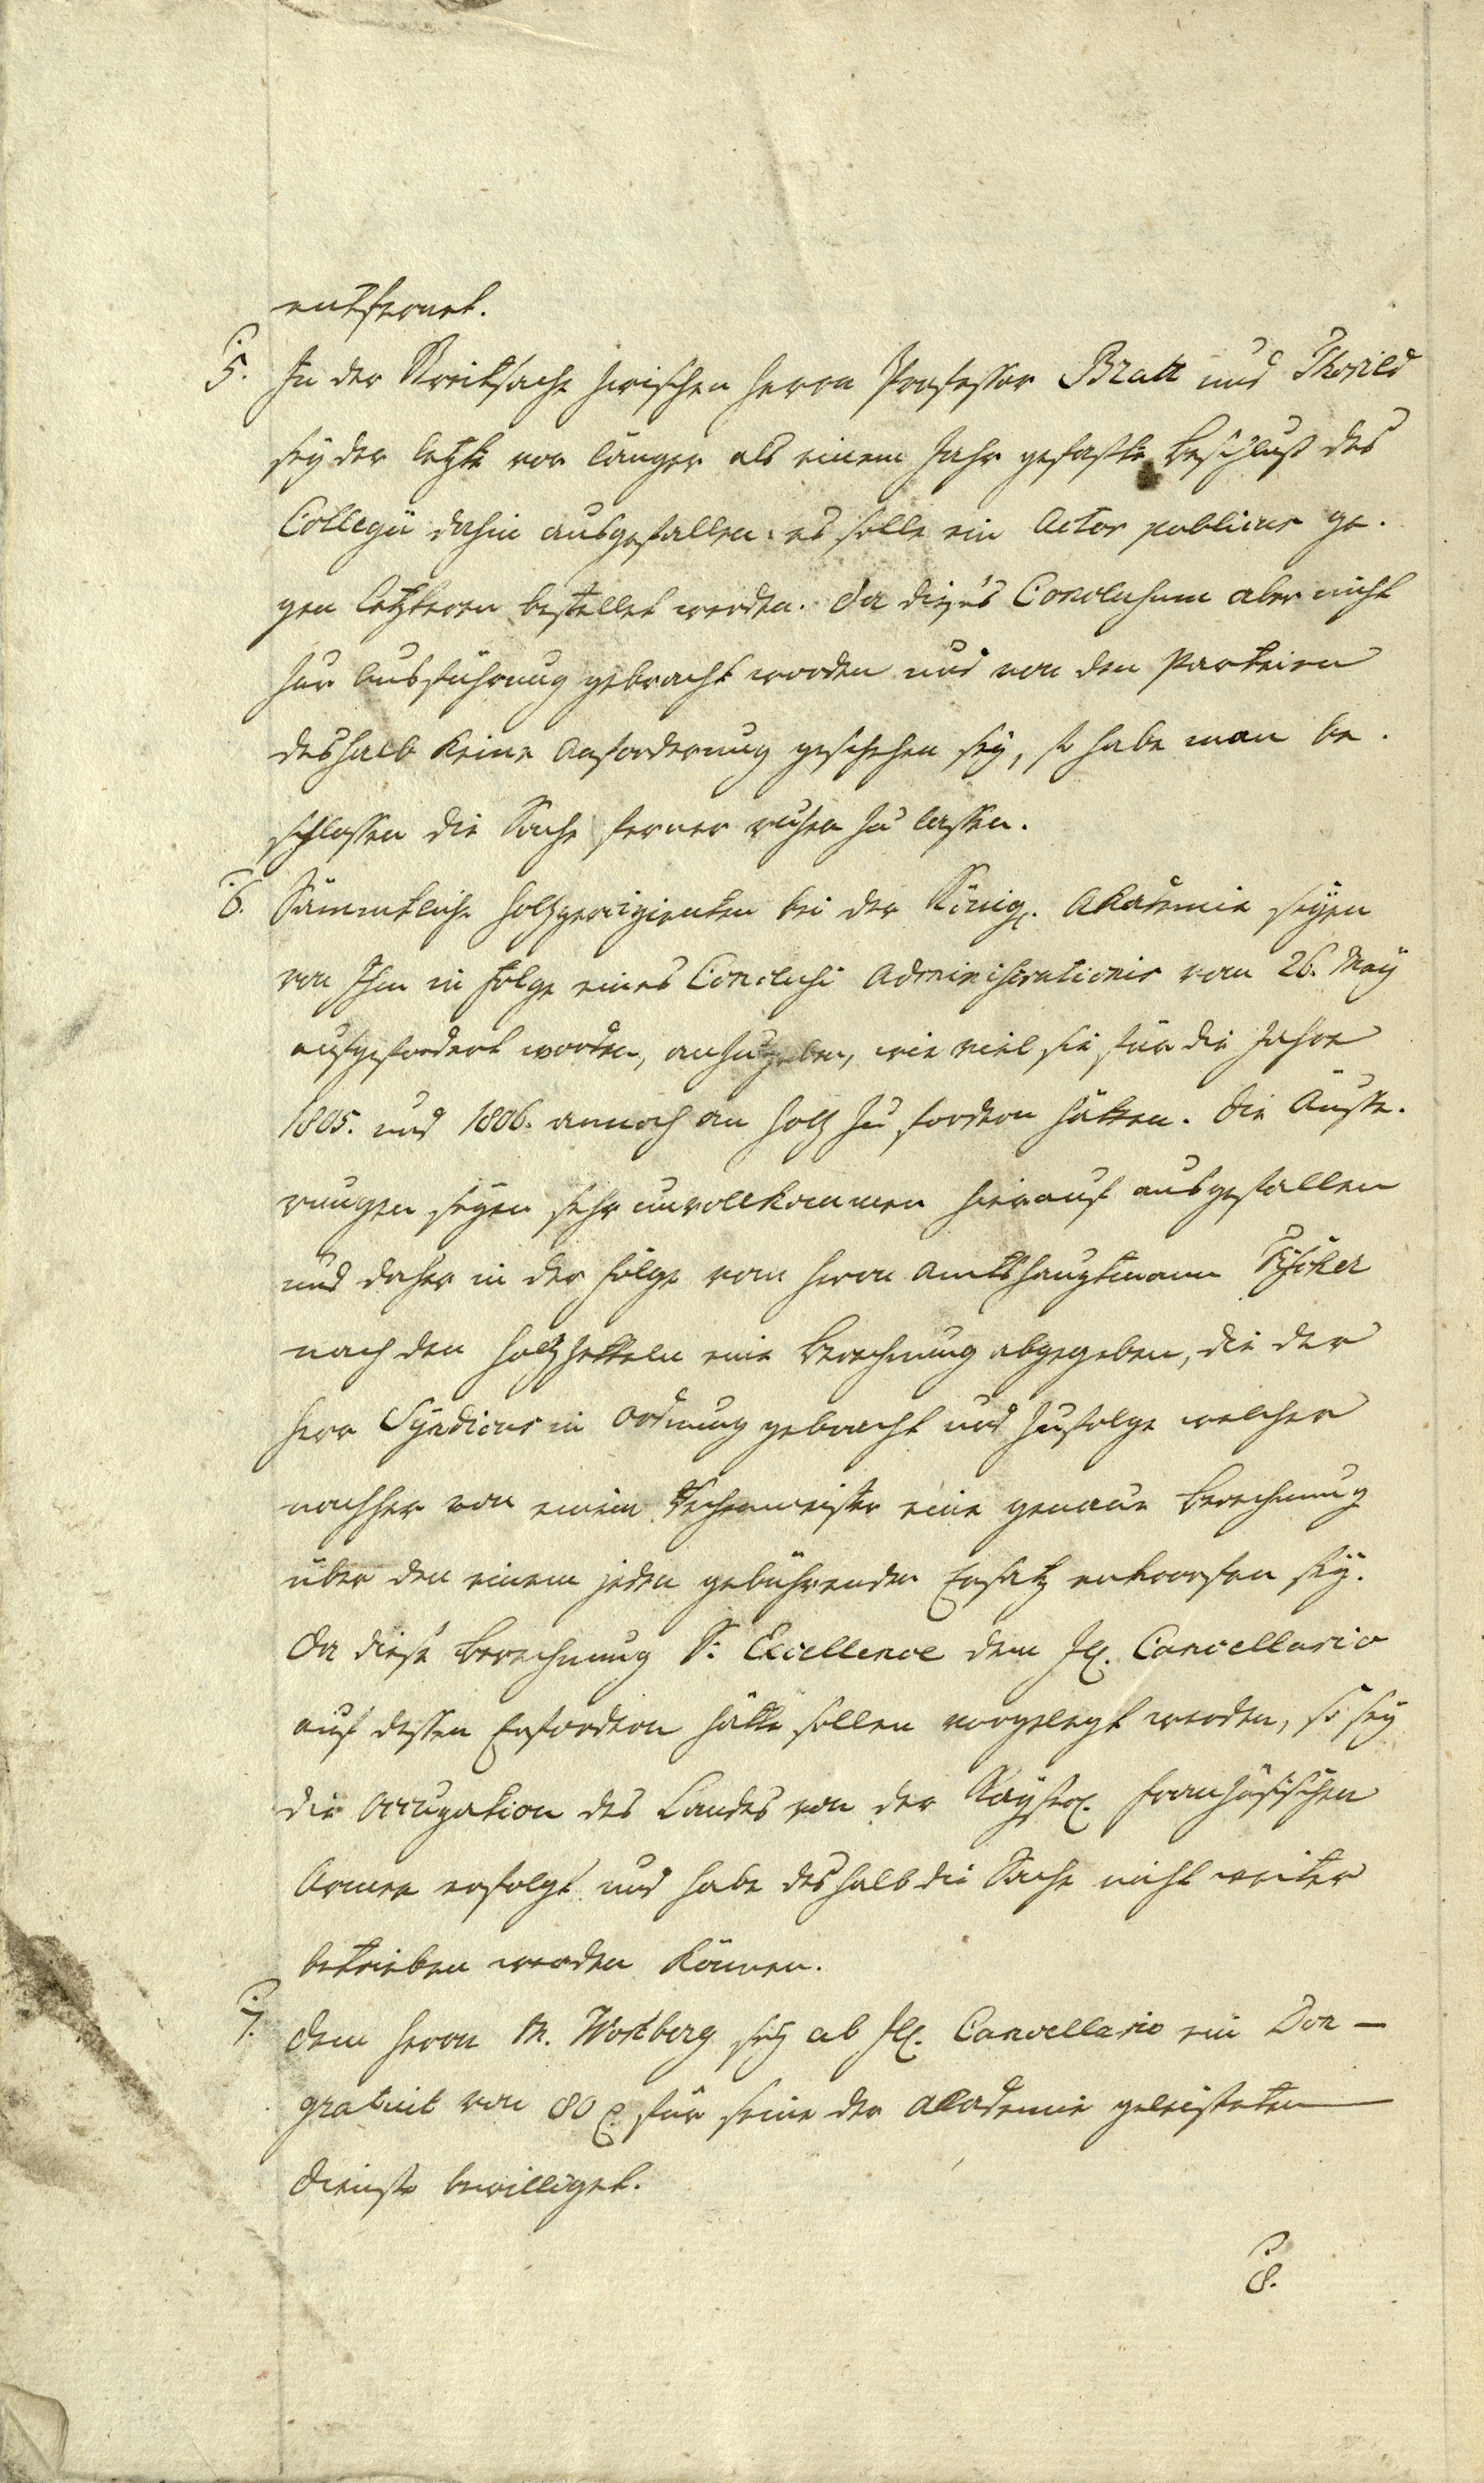entfernet.
5. In der Streitsache zwischen Herrn Professor Bratt und Thorild
seÿ der letzte vor länger als einem Jahr gefaßte Beschluß des
Collegii dahin ausgefallen: es solle ein Actor publicus ge¬
gen letzteren bestellet werden. Da dieses Conclusum aber nicht
zur Ausführung gebracht worden und von den Parteien
deshalb keine Anforderung geschehen seÿ, so habe man be¬
schlossen die Sache ferner ruhen zu lassen.
6. Sämmtliche Holzpercipienten bei der Königl. Akademie seÿen
von Ihm in Folge eines Conclusi Administrationis vom 26. Maÿ
aufgefordert worden, anzugeben, wie viel sie für die Jahre
1805. und 1806. annoch an Holz zu fordern hätten. Die Äusse¬
rungen seÿn sehr unvollkommen hierauf ausgefallen
und daher in der Folge vom Herrn Amtshauptmann Fischer
nach den Holzzetteln eine Berechnung abgegeben, die der
Herr Sÿndicus in Ordnung gebracht und zufolge welcher
nachher von einem Rechenmeister eine genaue Berechnung
über den einem jeden gebührenden Ersatz entworfen seÿ.
Da diese Berechnung Sr. Excellence dem dh. Cancellario
auf dessen Erfordern hätte sollen vorgelegt werden, so seÿ
die Occupation des Landes von der Kaÿserl. Französischen
Armee erfolgt und habe deshalb die Sache nicht weiter
betrieben werden können.
7. Dem Herrn M. Wortberg seÿ ab Ill. Cancellario ein Don-
gratuit von 80 l. für seine der Akademie geleisteten
Dienste bewilliget.
8.